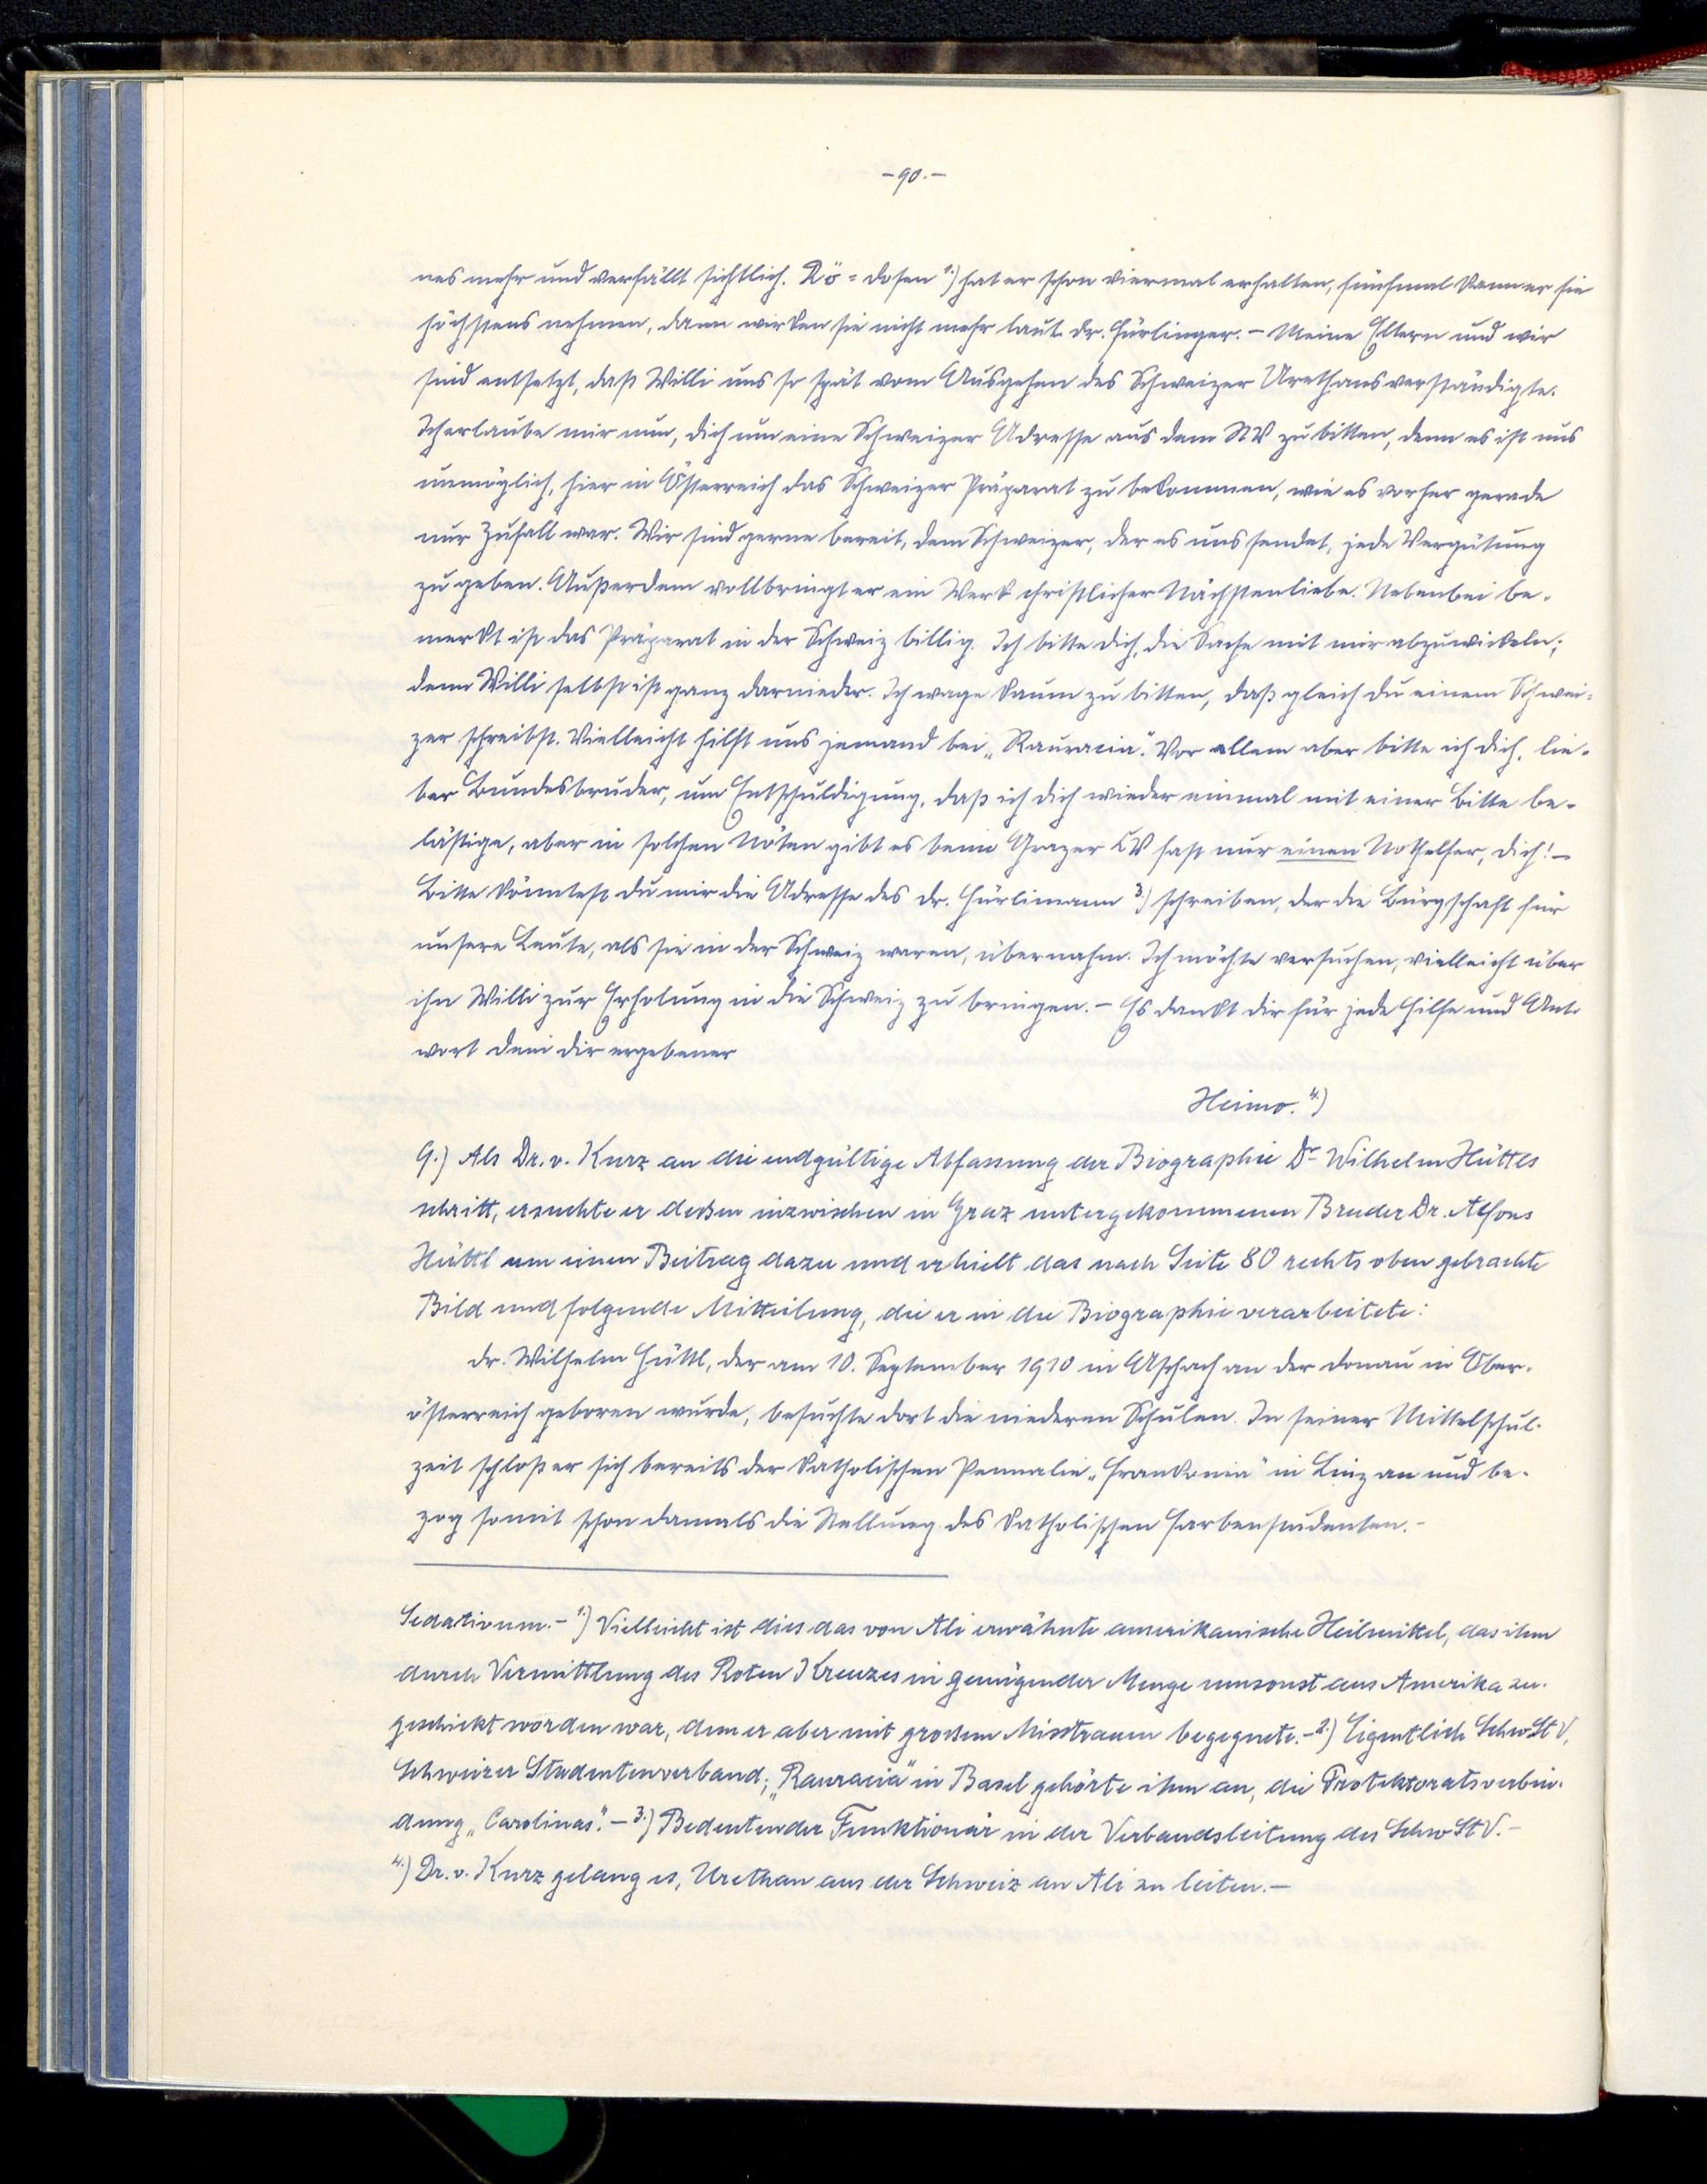90
nes mehr und verfällt sichtlich. Re-Dosen 1) hat er schon viermal erhalten, fünfmal kann er sie
höchstens nehmen. Dann wirken sie nicht mehr laut Dr. Fürlinger. Meine Eltern und wir
sind entsetzt, dass Willie uns so spät vom Ausgehen des Schweizer Urethans verständigte
Ichmerlaube mir nun, dich um eine Schweizer Adresse aus dem CV zu bitten, denn es ist uns
unmöglich, hier in Österreich das Schweizer Präparat zu bekomnmen, wie es vorher gerade
nur Zufall war. Wir sind gerne bereit, dem Schweizer, der es uns sendet, jede Vergütung
zu geben. Außerdem vollbringt er ein Werk christlicher Nächstenliebe. Nebenbei be-
merkt ist das Präparat in der Schweiz billig. Ich bitte dich, die Sache mit mir abzuwickeln,
denn Willi selbst ist ganz darnieder. Ich wage kaum zu bitten, daß gleich du einem Schwei-
zer schreibst. Vielleicht hilft uns jemand bei „Rauracia“. Vor allen aber bitte ich dich, lie-
ber Bundesbruder, um Entschuldigung, dass ich dich wieder einmal mit einer Bitte be-
lästige, aber in solchen Nöten gibt es beim Grazer CV fast nur einen Nothelfer, Dich!
Bitte könntest du mir die Adresse des Dr. Hürlimann 3) schreiben, der die Bürgschaft für
unsere Leute, als sie in der Schweiz waren, übernahm. Ich möchte versuchen, vielleicht über
ihn Willi zur Erholung in die Schweiz zu bringen.- Es dankt Dir für jede Hilfe und Ant-
wort dein Dir ergebener
Heimo- 4)
9) Als Dr. v. Kurz an die endgültige Abfassung der Biographie D. Wilhelm Hüttls
schritt, ersuchte er dessen inzwischen in Graz untergekomenen Bruder Dr Alfons
Hüttl um einen Beitrag dazu und erhielt das nach Seite 8 rechts oben gebrachte
Bild und folgende Mitteilung, die er in die Biographie verarbeitete:
Dr. Wilhelm Hüttl, der am 10. September 1910 in Aschach an der Donau in Ober-
österreich geboren wurde, besuchte dort die niederen Schulen. In seiner Mittelschul-
zeit schloß er sich bereits der katholischen Pennalie „Frankonia" in Linz an und be-
zog somit schon damals die Stellung des katholischen Farbenstudenten. -
Sedativum.–2) Vielleicht ist dies das von Ali erwähnte amerikanische Heilmittel, das ihm
durch Vermittung des Roten Kreuzes in genügender Menge umsonst aus Amerika zu-
geschickt worden war, dem er aber mit großen Misstraum begegnete. ) Eintlich SchwStV
Schweizer Studentenverband, Rauracia in Basel gehörte ihm an, die Protekteoratsverbin-
dung "Carolinas“.- 3) Bedentender Funktionär in der Verbandsleitung des SchwStV.
2) Dr. v. Kurz gelang es, Urethan aus der Schweiz an Ali zu leiten.